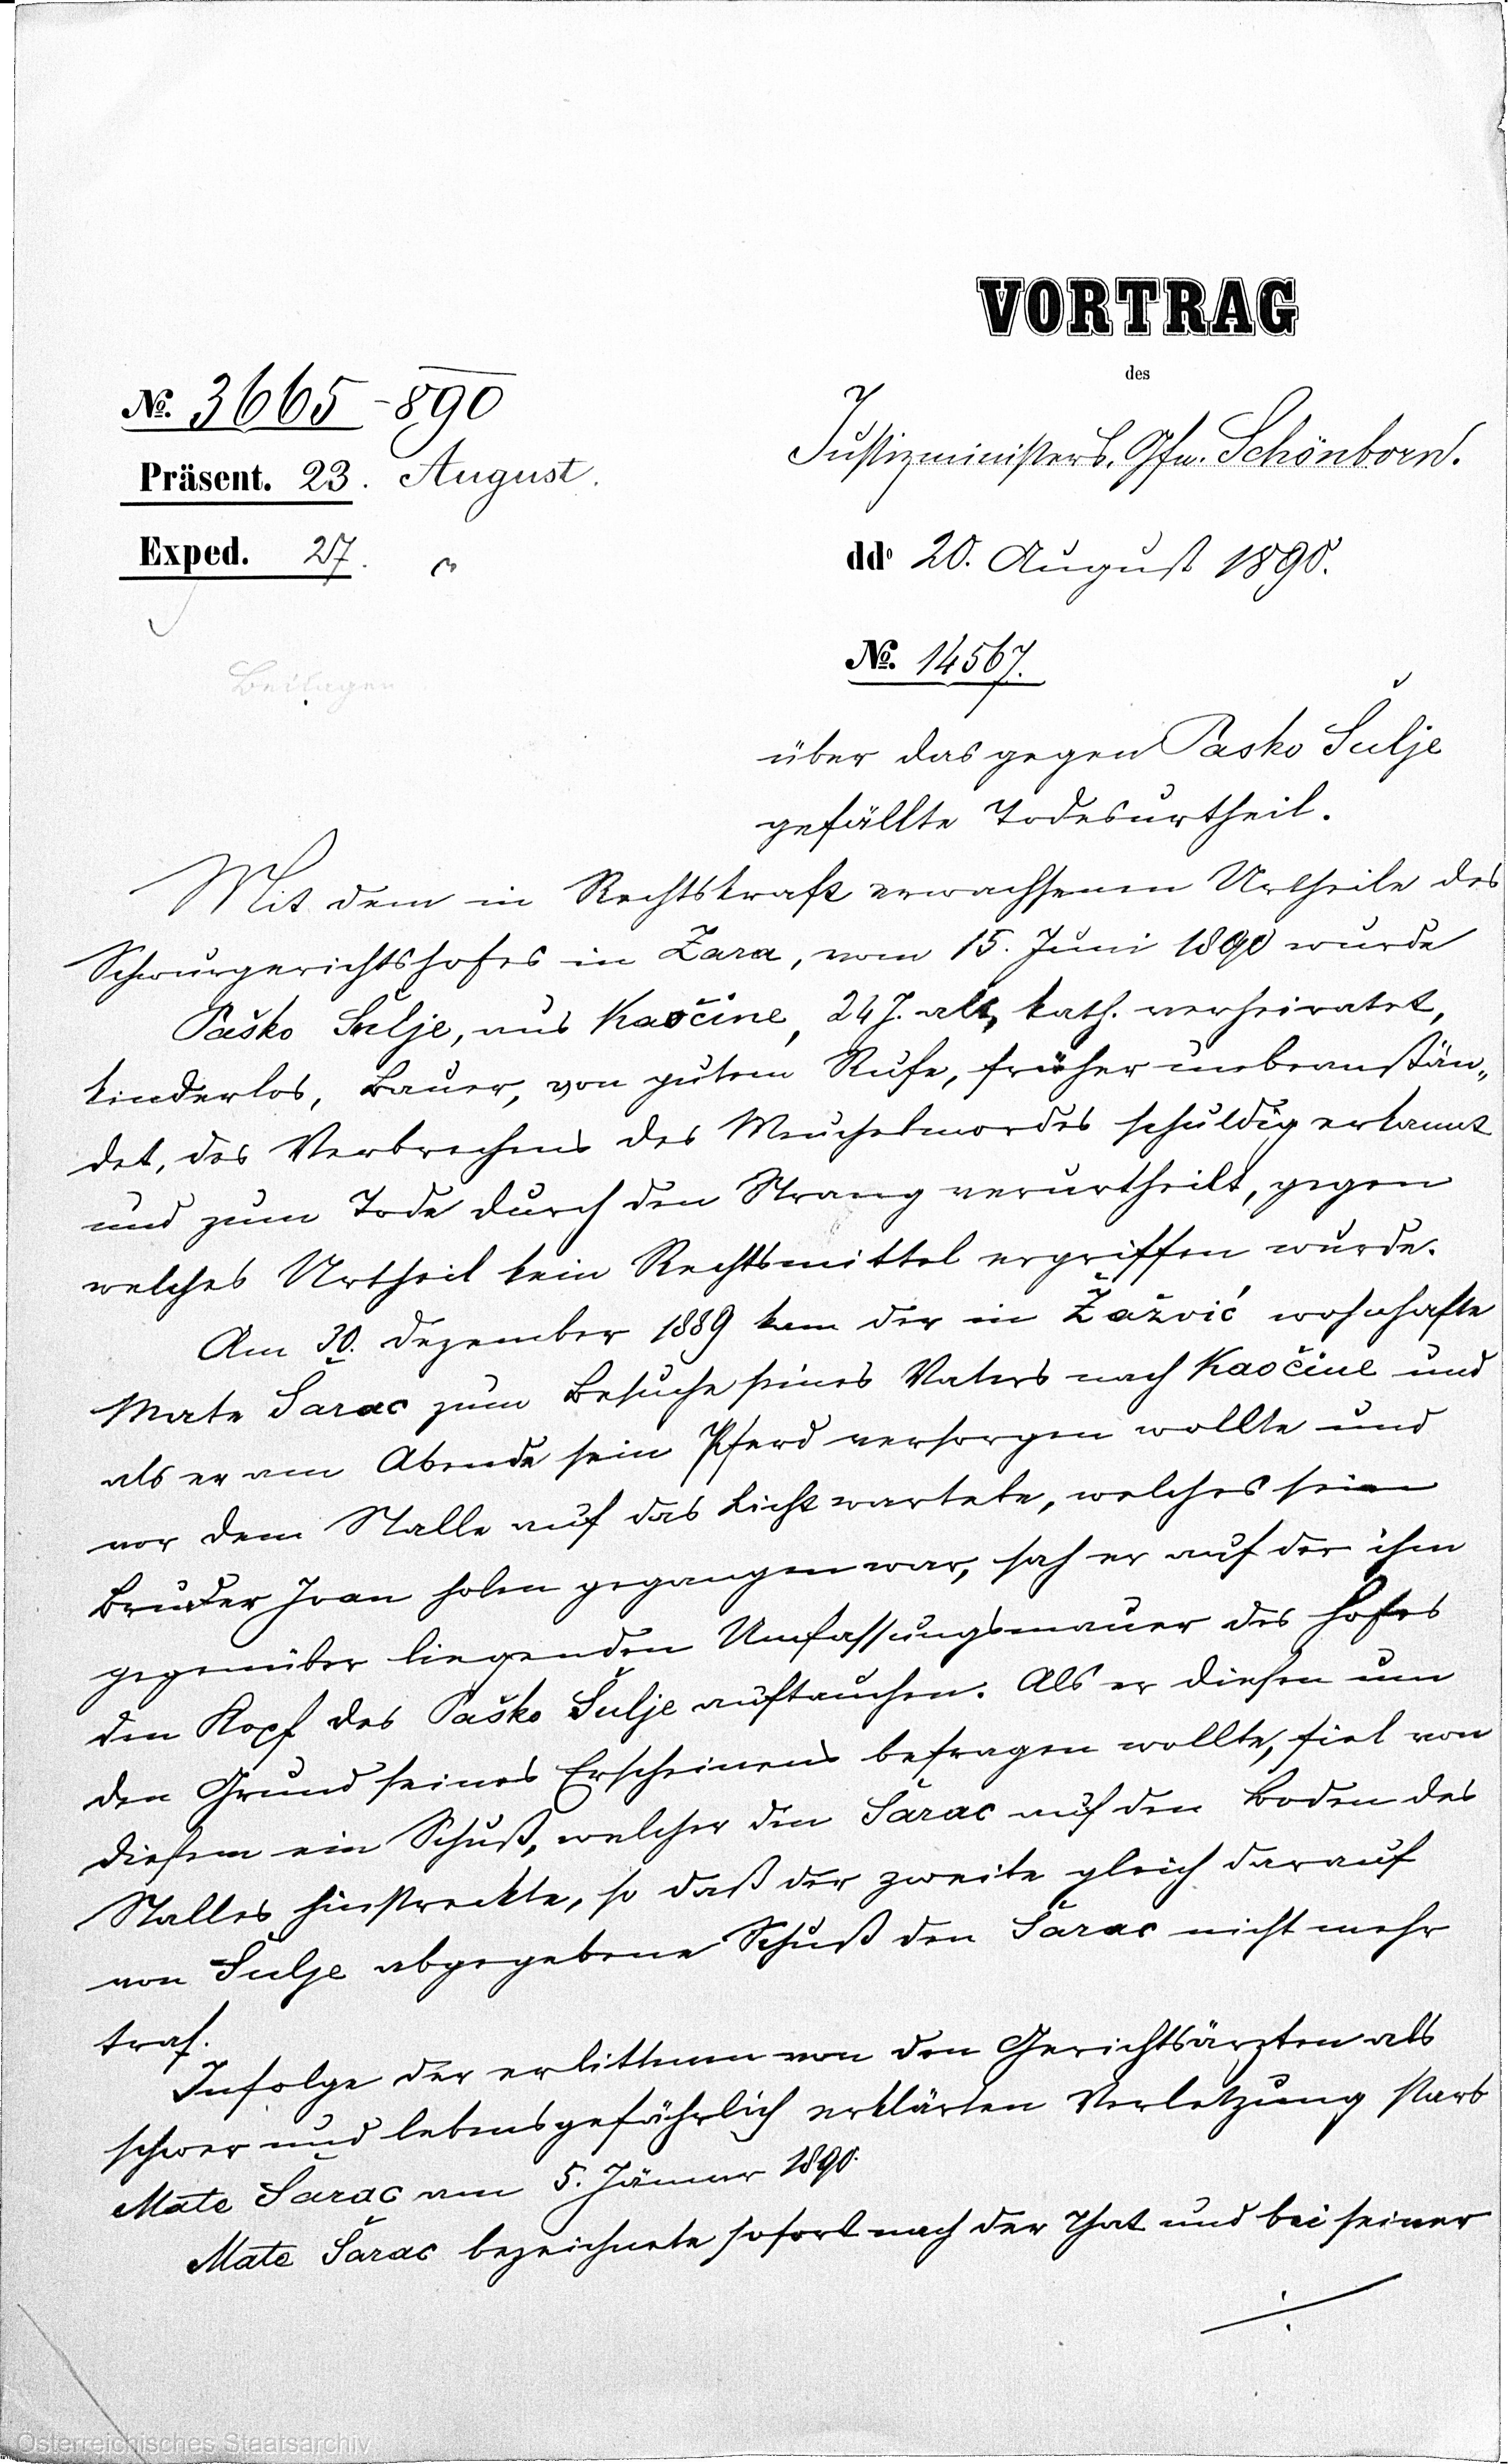VORTRAG
des
Justizminister. Gfn. Schönborn.
dd° 20. August 1890.
N° 14567.
über das gegen Pasko Sulje
gefällte Todesurtheil.
Mit dem in Rechtskraft verwachsenen Urtheile des
Schwurgerichtshofes in Zara, vom 15. Juni 1890 wurde
Paško Sulje, aus Kaxxčine, 24 J. alt, kth. verheiratet,
kinderlos, Bauer, von guten Rufe, früher unbranstän¬
det, des Verbrechens des Meuchelmordes schuldig erkannt
und zum Tode durch den Strang verurtheilt, gegen
welches Urtheil kein Rechtsmittel ergriffen wurde.
Am 30. Dezember 1889 kein der in Žažvić wohnhafte
Mate Šarac zum Besuche seines Vaters nach Kaočine und
als er am Abende sein Pferd versorgen wollte und
vor dem Stalle auf das Licht wartete, welches sein
Bruder Ivan holen gegangen war, sah er auf der ihm
gegenüber liegenden Umfassungsmauer des Hofes
den Kopf des Paško Šulje auftauchen. Als er diesen um
den Grund seines Erscheinens befragen wollte, fiel von
diesem ein Schuß, welcher den Šarac auf den Boden des
Stalles hinstreckte, so daß der zweite gleich darauf
von Šulje abgegebene Schuß den Šarac nicht mehr
traf.
Infolge der erlittenen von den Gerichtsärzten als
schwer und lebensgefährlich erklärten Verletzung starb
Mate Šarac am 5. Jänner 1890.
Mate Šarac bezeichnete sofort nach der That und bei seiner
N° 3665-890
Präsent 23. August.
Exped. 27. August.
Beilagen